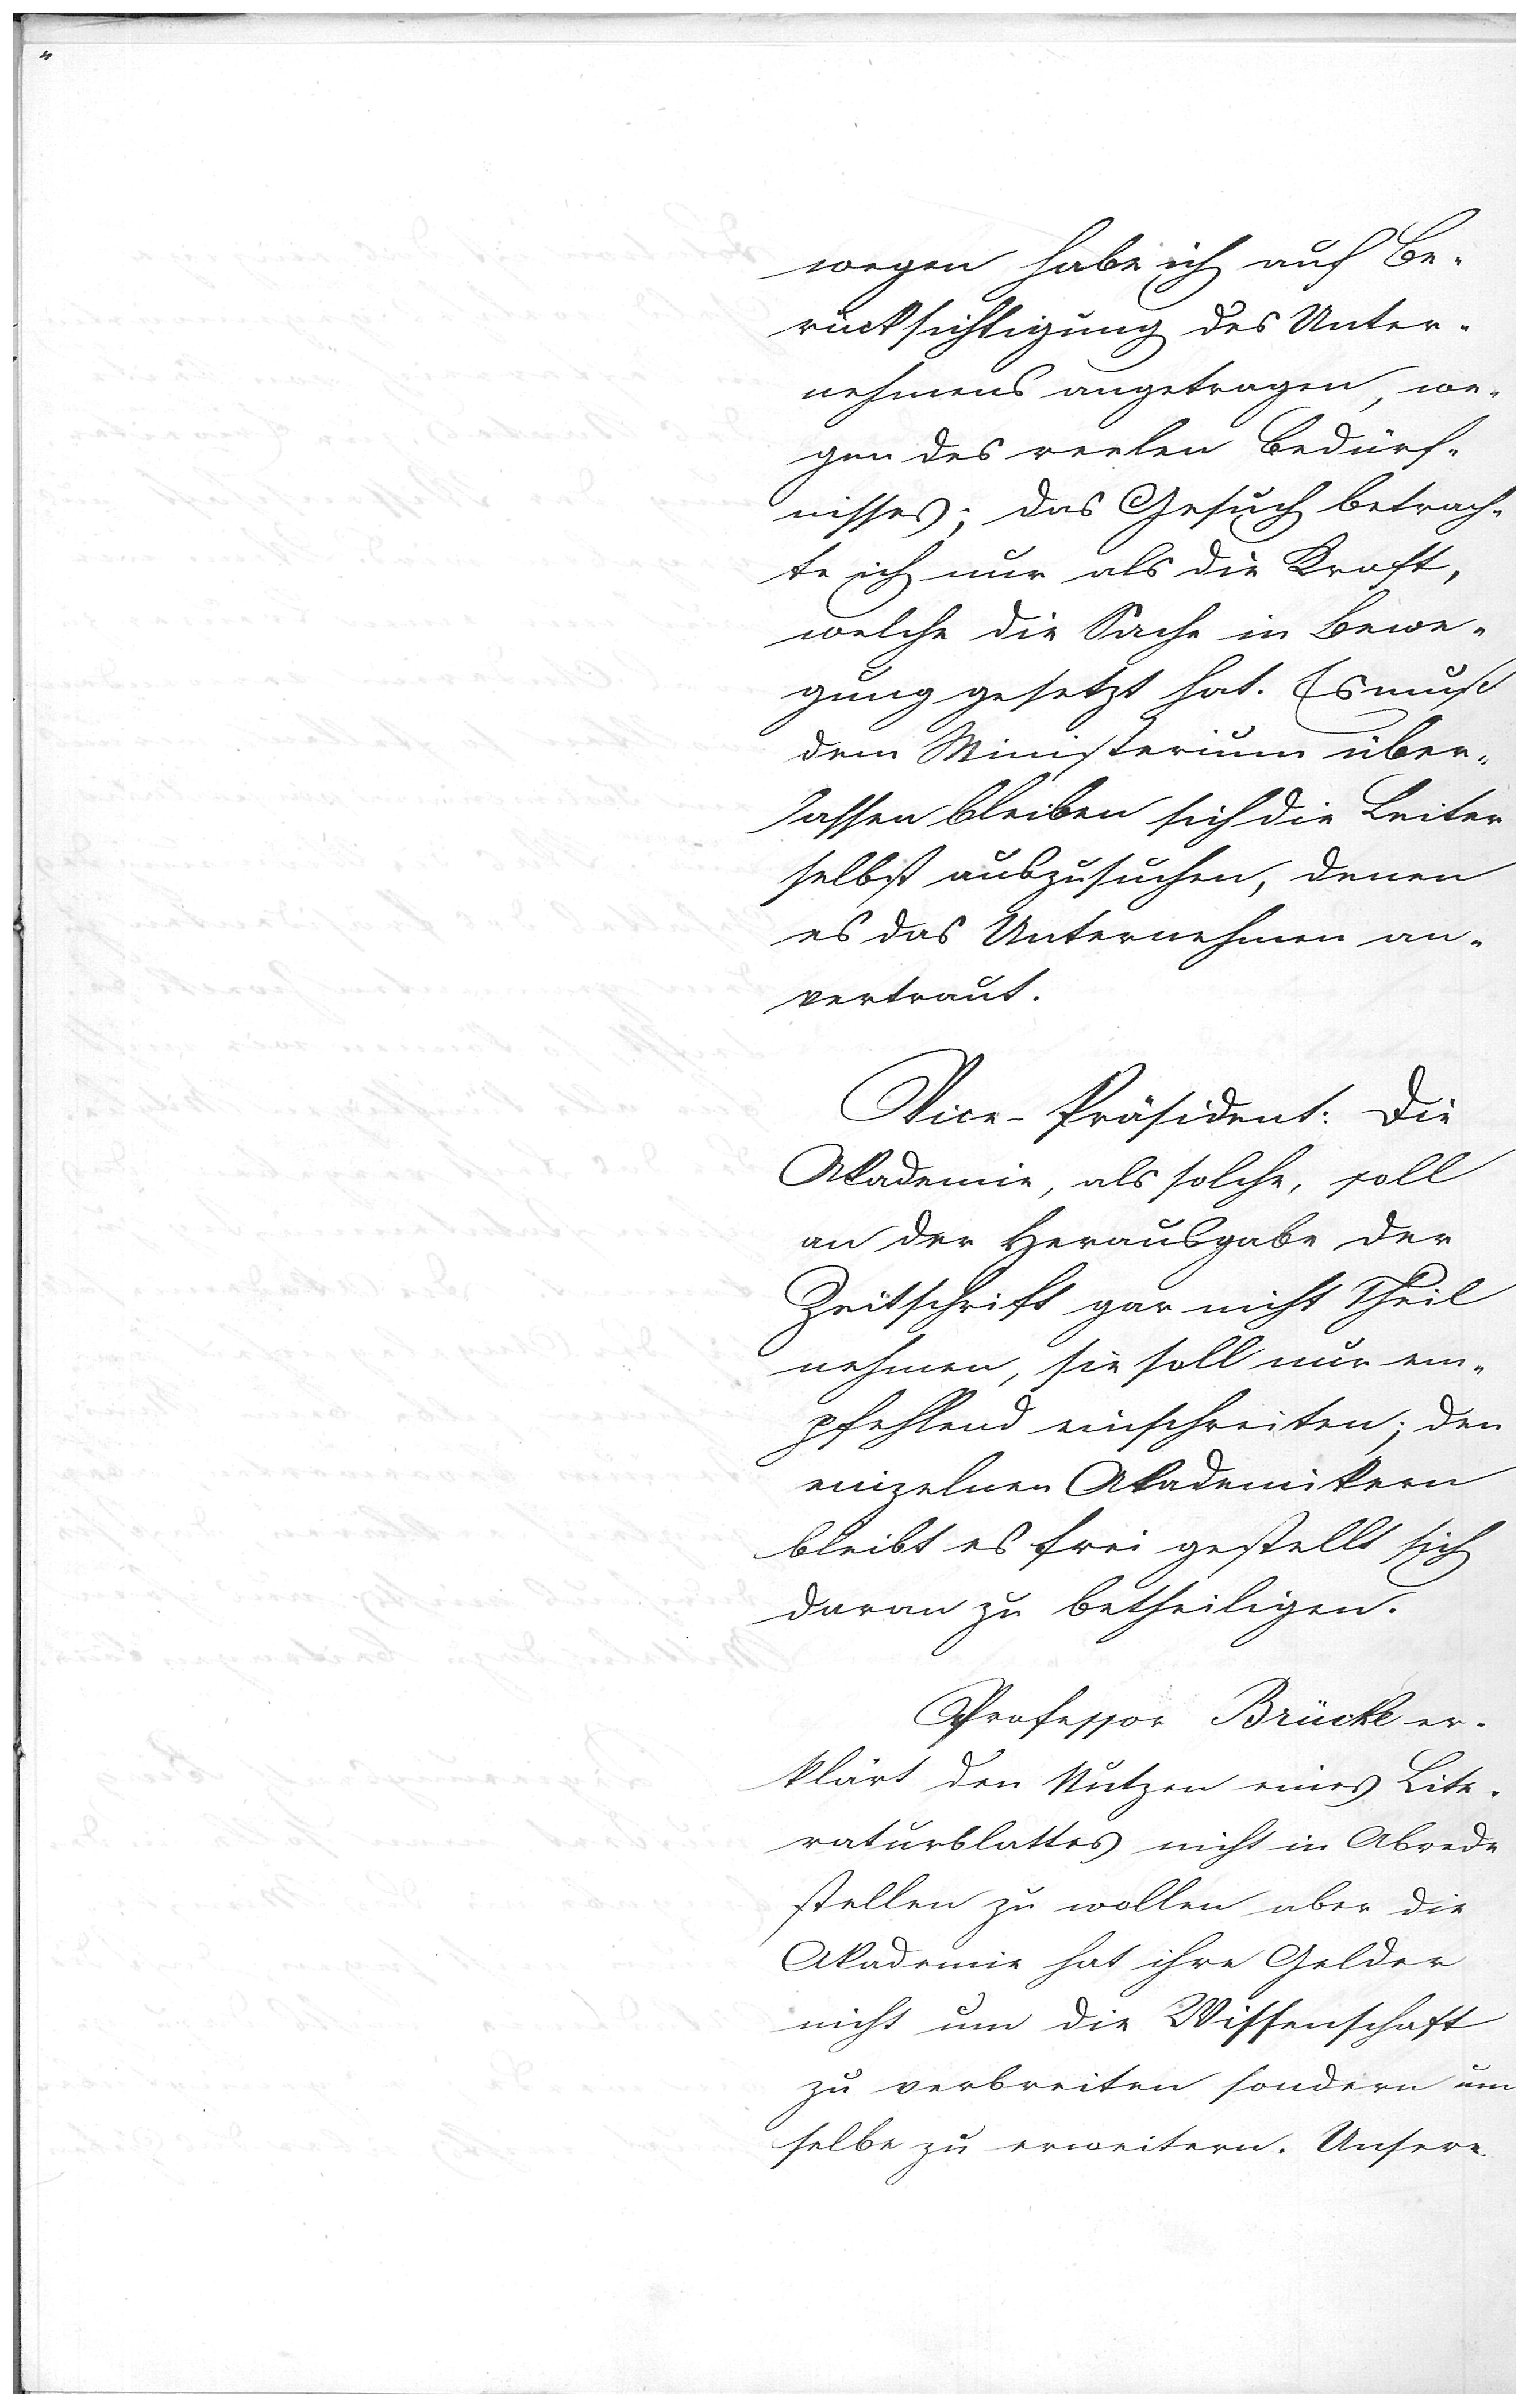wegen habe ich auf Be-
rücksichtigung des Unter-
nehmens angetragen, we-
den des reelen Bedürf-
nisses; das Gesuch betrach-
te ich nur als die Kraft,
welche die Sache in Bewe-
gung gesetzt hat. Es muß
dem Ministerium über-
lassen bleiben sich die Leiter
selbst, auszusuchen, denen
es das Unternehmen an-
vertraut.
Vice-Präsident: Die
Akademie, als solche, soll
an der Herausgabe der
Zeitschrift gar nicht Theil
nehmen, sie soll nur em-
phehlend einschreiten; den
einzelnen Akademikern
bleibt es frei gestellt sich
daran zu betheiligen.
Professor Brücke er-
klärt den Nutzen eines Lite-
raturblattes nicht in Abrede
stellen zu wollen aber die
Akademie hat ihre Gelder
nicht um die Wissenschaft
in verbreiten sondern um
selbe zu erweitern. Unsere